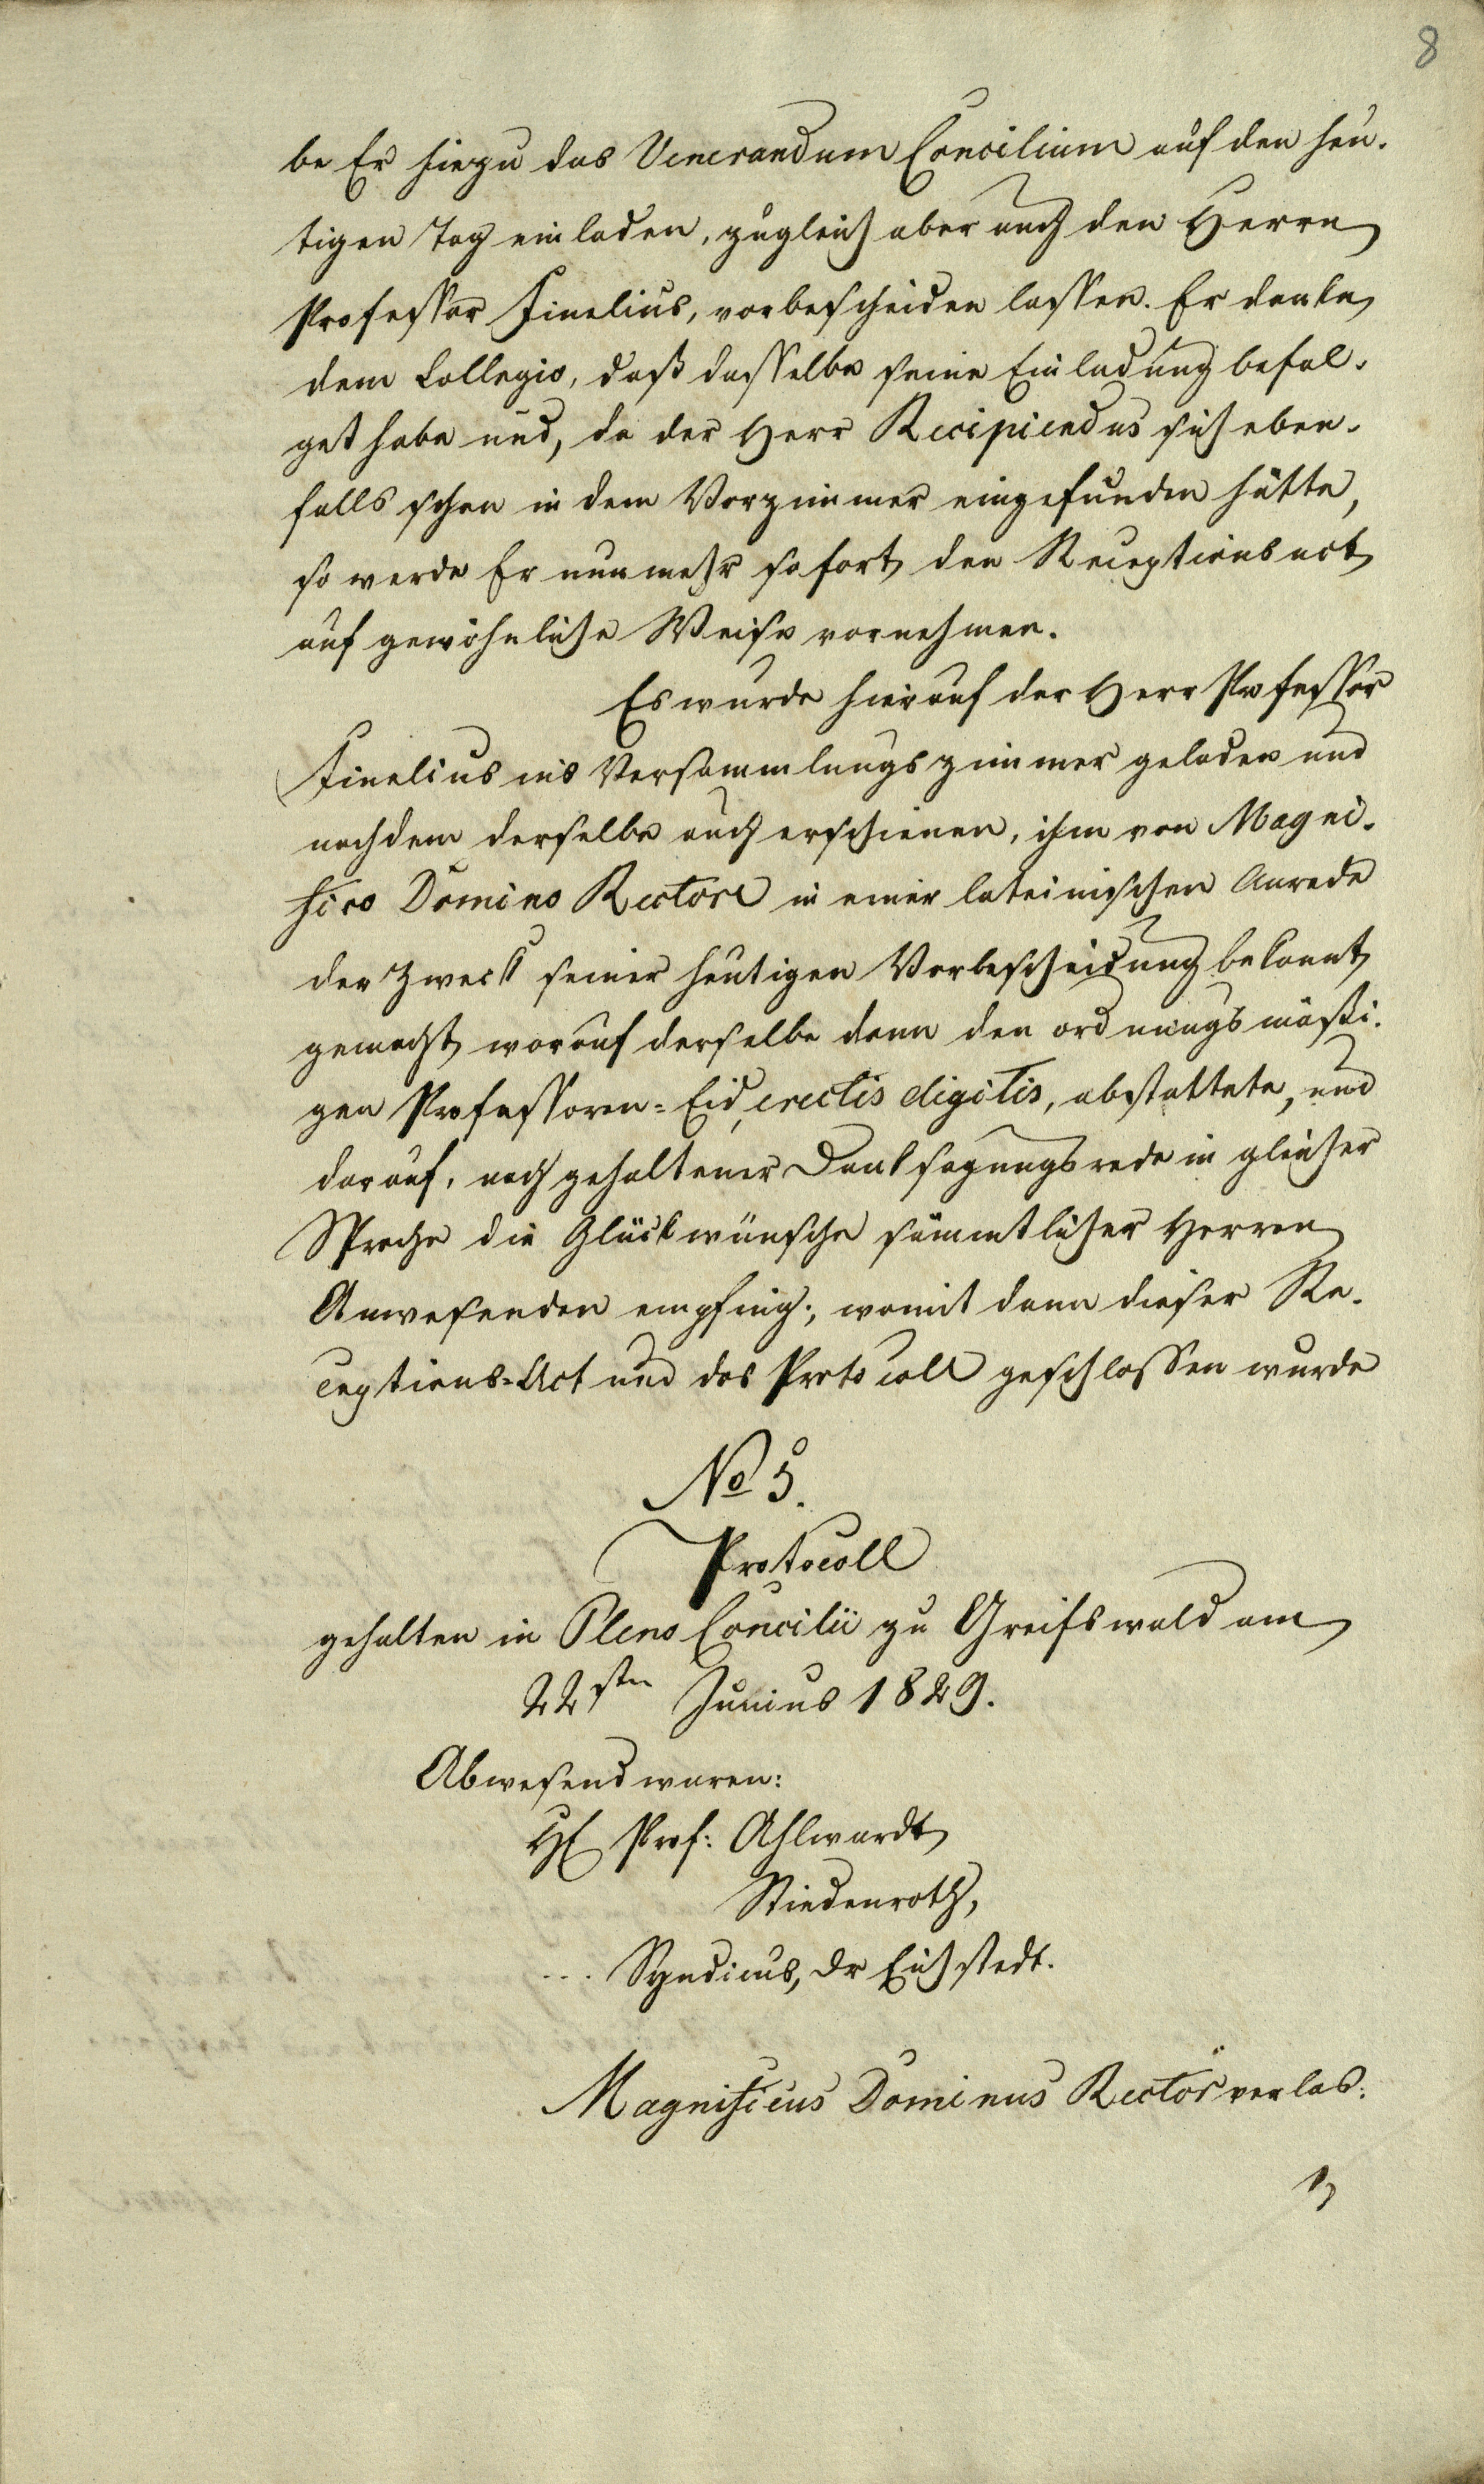be Er hiezu das Venerandum Concilium auf den heu¬
tigen Tag einladen, zugleich aber auch den Herrn
Professor Finelius, vorbescheiden lassen. Er danke
dem Collegio, daß dasselbe seine Einladung befol¬
get habe und, da der Herr Recipiendus sich eben¬
falls schon in dem Vorzimmer eingefunden hätte,
so werde Er nunmehr sofort den Receptionsact
auf gewöhnliche Weise vornehmen.
Es wurde hierauf der Herr Professor
Finelius ins Versammlungszimmer geladen und
nachdem derselbe auch erschienen, ihm von Magni¬
fico Domino Rectore in einer lateinischen Anrede
der Zweck seiner heutigen Vorbescheidung bekannt
gemacht worauf derselbe dann den ordnungsmäßi¬
gen Proefessoren-Eid, erectis digitis, abstattete, und
darauf, nach gehaltener Danksagungsrede in gleicher
Sprache die Glückwünsche sämmtlicher Herren
Anwesenden empfing; womit dann dieser Re¬
ceptions-Act und das Protocoll geschlossen wurde.
Nº 5.
Protocoll
gehalten in Pleno Concilii zu Greifswald am
22sten Junius 1829.
Abwesend waren:
HE Prof: Ahlwardt,
Stiedenroth,
Syndicus Eichstedt.
Magnificus Dominus Rector verlas:
1,